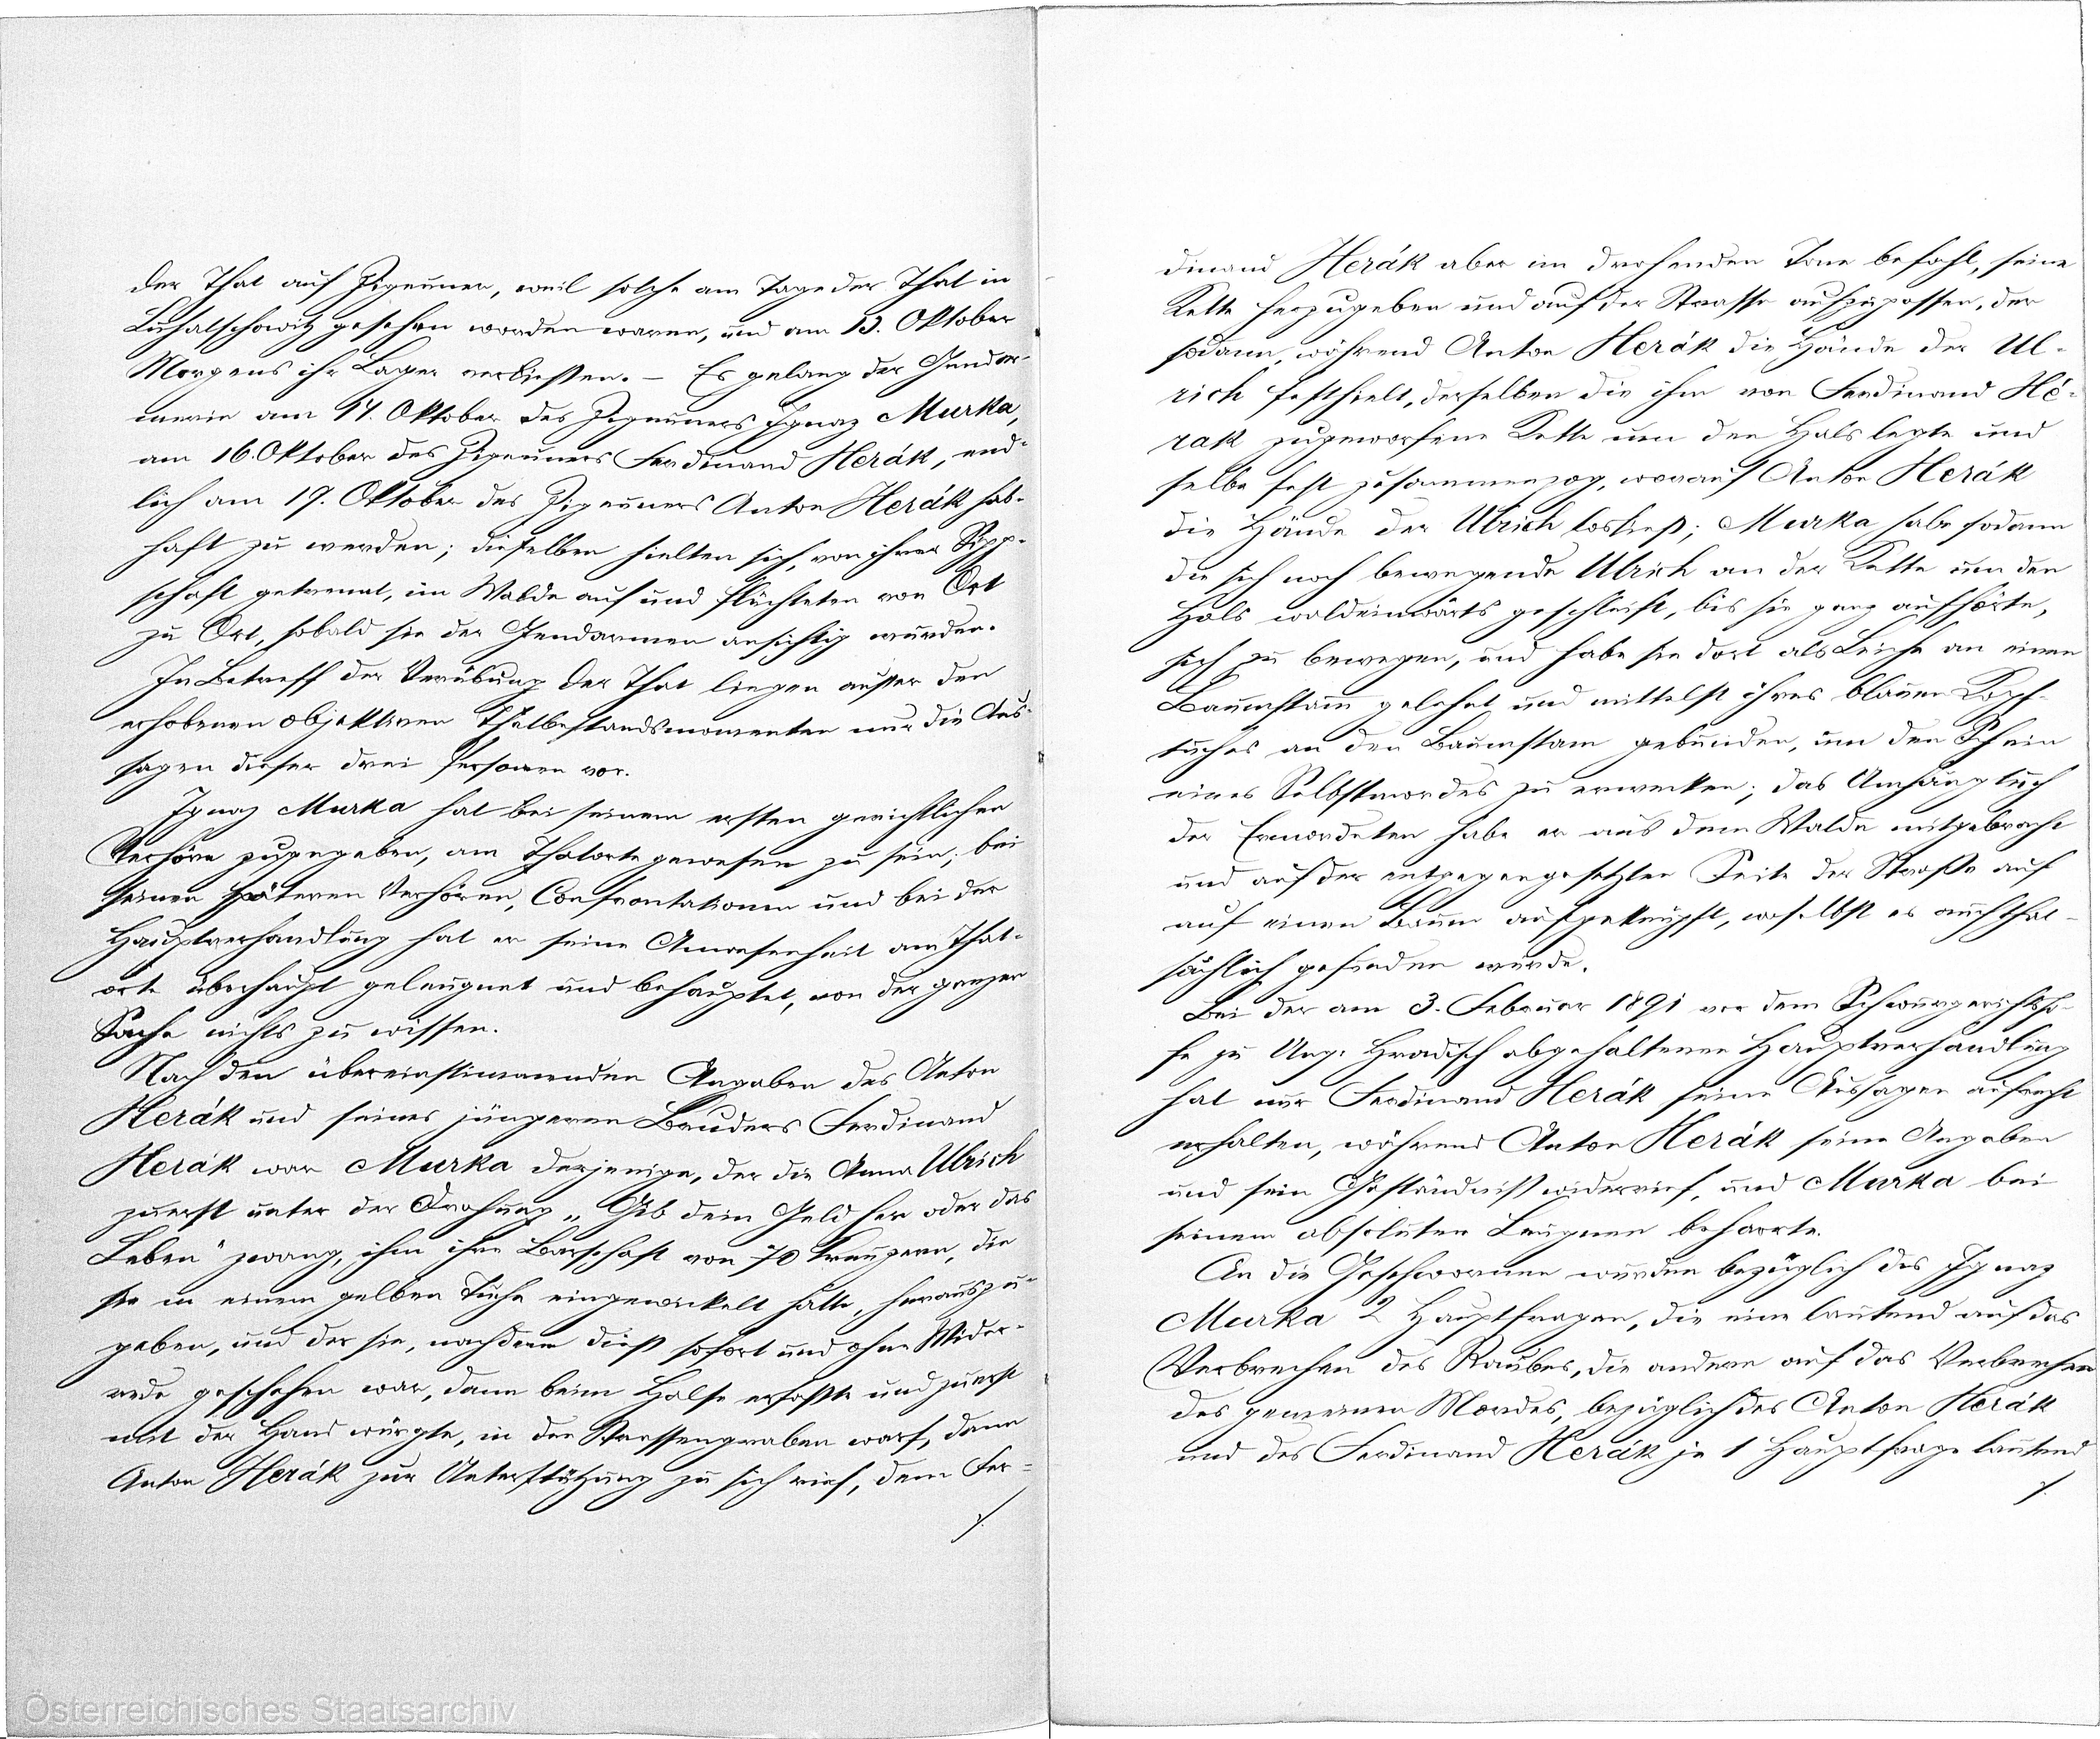der That auf Zigeuner, weil solche am Tage der That in
Luhatschowitz gesehen worden waren, und am 13. Oktober
Morgens ihr Lager verließen. Er gelang der Gendar¬
merie am 14. Oktober des Zigeuners Ignaz Murka
am 16. Oktober des Zigeuners Ferdinand Herák end¬
lich am 19. Oktober des Zigeuners Anton Herák hab¬
haft zu werden; dieselben hielten sich, von ihrer Sipp¬
schaft getrennt, im Walde auch und flüchteten von Ort
zu Ort, sobald sie der Gendarmen ansichtig wurden.
In Betreff der Verübung der That liegen außer den
erhobenen objektiven Thatbestandsmomenten nur die Aus¬
sagen dieser drei Personen vor.
Ignaz Murka hat bei seinem ersten gerichtlichen
Verhöre zugegeben, am Thatorte gewesen zu sein; bei
seinem späteren Verhören, Confrontationen und bei der
Hauptverhandlung hat er seine Anwesenheit am That¬
orte überhaupt geleugnet und behauptet, von der ganzen
Sache nichts zu wissen.
Nach den übereinstimmenden Angaben des Anton
Herák und seiner jüngeren Bruders Ferdinand
Herák war Murka derjenige, der die Anna Ulrich
zuerst unter der Drohung „Gib dein Geld her oder das
Leben“ zwang, ihm ihre Barschaft von 70 Kreuzer, die
sie in einem gelben Tuche eingewickelt hatte, herauszu¬
geben, und der sie, nach dem dieß sofort und ohne Wider¬
rede geschehen war, dann beim Halse erfaßt und zuerst
mit der Hand würgte, in den Strassengraben warf, dann
Anton Herák zur Unterstützung zu sich rief, dem Fer¬
dinand Herák aber im drohenden Tone befahl, seine
Kette herzugeben und auf der Strasse aufzupassen, der
sodann, während Anton Herák die Hände der Ul¬
rich festhielt, derselben die ihm von Ferdinand Hé¬
rak [sic] zugeworfene Kette um den Hals legte und
selbe fest zusammenzog, worauf Anton Herák
die Hände der Ulrich losließ; Murka habe sodann
die sich noch bewegende Ulrich an der Kette um den
Hals waldeinwärts geschleift, bis sie ganz aufhörte,
sich zu bewegen, und habe sie dort als Leiche an einen
Baumstamm gelehnt und mittelst ihres blauen Kopf¬
tuchen an den Baumstamm gebunden, um den Schein
eines Selbstmordes zu erwecken; das Umhangtuch
der Ermordeten habe er aus dem Walde mitgebracht
und auf der entgegengesetzten Seite der Straße auf
einen Baum aufgeknüpft, woselbst es auch tath¬
sächlich gefunden wurde.
Bei der am 3. February 1891 vor dem schwurgerichtsh¬
of zu Ung. Hradisch abgehaltener Hauptverhandlung
hat nur Ferdinand Herák seine Aussagen aufrecht¬
erhalten, während Anton Herák seine Angaben
und sein Geständniß widerrief, und Murka bei
seinem aboluten Läugnen beharrte.
An die Geschworenen wurden bezüglich des Ignaz
Murka 2 Hauptfragen, die eine lautend auf das
Verbrechen des Rabues, die andere auf das Verbrechen
des gemeinen Mordes, bezüglich des Anton Herák
und des Ferdinand Herák je 1 Hauptfrage läutend